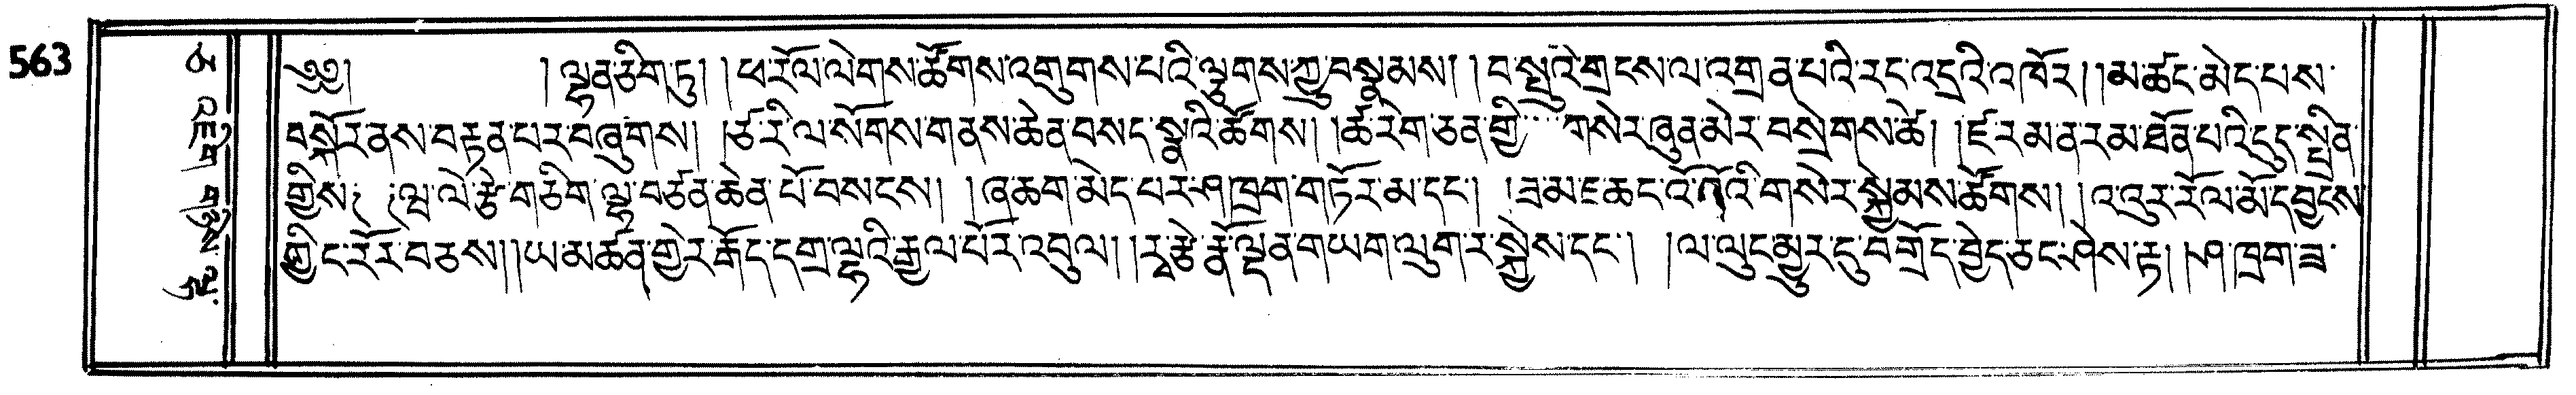༄༅། །ལྷན་ཅིག་ཏུ། །ཕ་རོལ་ལེགས་ཚོགས་འགུགས་པའི་ལྕགས་ཀྱུ་བསྣམས། །བ་སྤུའི་གྲངས་ལ་འགྲན་པའི་རང་འདྲའི་འཁོར། །མ་ཚང་མེད་པས་
བསྐོར་ནས་བརྟན་པར་བཞུགས། །ཙ་རི་ལ་སོགས་གནས་ཆེན་བསད་སྣའི་ཚོགས། །ཚ་རེག་ཅན་གྱི་་་གསེར་ཞུན་མེར་བསྲེགས་ཚེ། །ཛ་རམ་ནར་མཐོན་པའི་དུད་སྤྲིན་
གྱིས༑ ༑ཝ་ལེ་རྩེ་གཅིག་ལྷ་བཙན་ཆེན་པོ་བསངས། །ཞ་ཆག་མེད་པར་ཤ་ཁྲག་གཏོར་མ་དང་། །ཟ་མ་ཧ་ཆང་འོ་དོའི་གསེར་སྐྱེམས་ཚོགས། །འ་འུར་རོལ་མོ་དབྱངས་
གྱི་ང་རོར་བཅས། །ཡ་མཚན་གྱེར་རྒོད་དགྲ་ལྷའི་རྒྱལ་པོར་འབུལ། །རྭ་རྩེ་རྣོ་ལྡན་གཡག་ལུག་ར་སྐྱེས་དང་། །ལ་ལུང་མྱུར་དུ་བགྲོད་བྱེད་ཅང་ཤེས་རྟ། །ཤ་ཁྲག་ཟ་